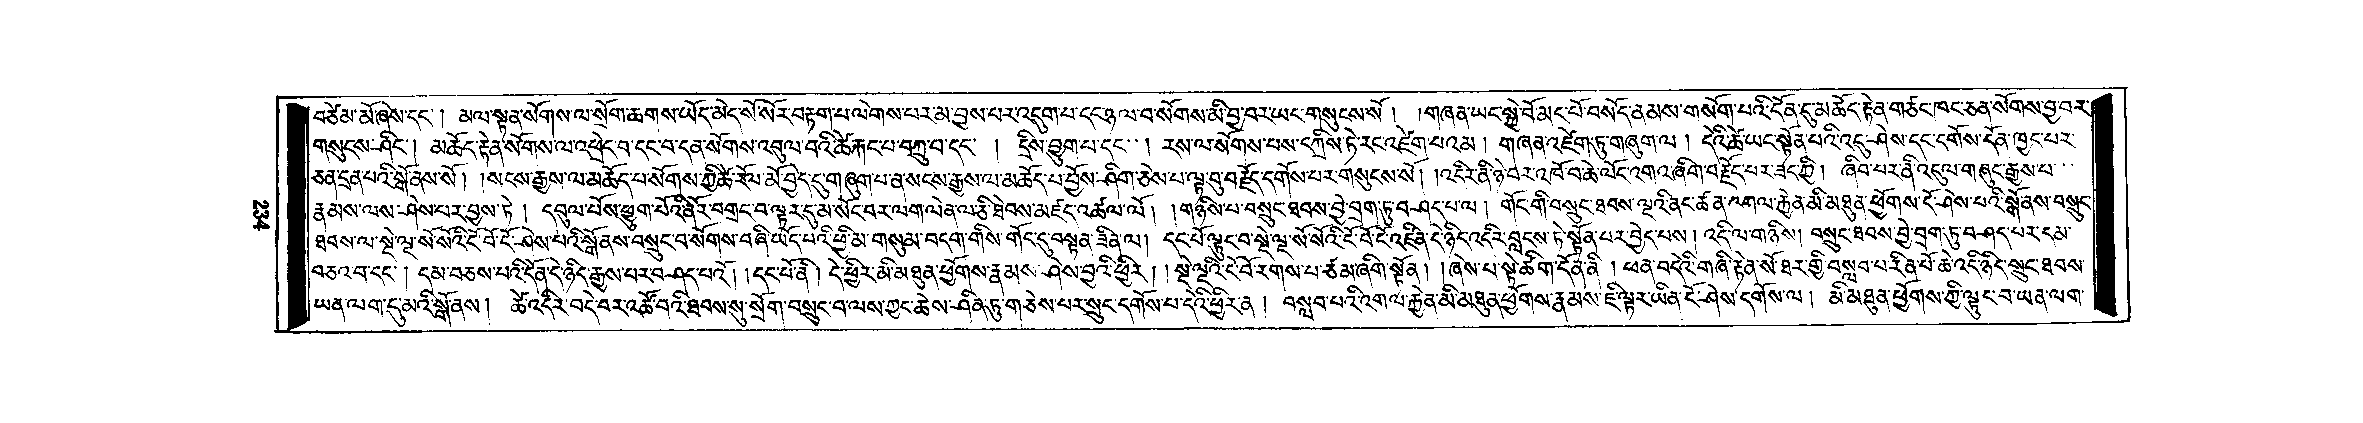བཙེམ་མོ་ཞེས་དང་། མལ་སྟན་སོགས་ལ་སྲོག་ཆགས་ཡོད་མེད་སོ་སོར་བརྟག་པ་ལེགས་པར་མ་བྱས་པར་འདུག་པ་དང་ཉལ་བ་སོགས་མི་བྱ་བར་ཡང་གསུངས་སོ། །གཞན་ཡང་སྐྱེ་བོ་མང་པོ་བསོད་ནམས་གསོག་པའི་དོན་དུ་མཆོད་རྟེན་གཙང་ཁང་ཅན་སོགས་བྱ་བར་
གསུངས་ཤིང་། མཆོད་རྟེན་སོགས་ལ་འཕྲེང་བ་དང་བ་དན་སོགས་འབུལ་བའི་ཚེ་རྐང་པ་བཀྲུ་བ་དང་། དྲིས་བྱུག་པ་དང་། རས་ལ་སོགས་པས་དཀྲིས་ཏེ་རང་འཛེག་པའམ། གཞན་འཛེག་ཏུ་གཞུག་ལ། དེའི་ཚེ་ཡང་སྟོན་པའི་འདུ་ཤེས་དང་དགོས་དོན་ཁྱད་པར་
ཅན་དྲན་པའི་སྒོ་ནས་སོ། །སངས་རྒྱས་ལ་མཆོད་པ་སོགས་ཀྱི་ཚེ་རོལ་མོ་བྱེད་དུ་གཞུག་པ་ན་སངས་རྒྱས་ལ་མཆོད་པ་བྱོས་ཤིག་ཅེས་པ་ལྟ་བུ་བརྗོད་དགོས་པར་གསུངས་སོ། །འདིར་ནི་ཉེ་བར་འཁོ་བ་ཆེ་ལོང་འགའ་ཞིག་བརྗོད་པར་ཟད་ཀྱི། ཞིབ་པར་ནི་འདུལ་གཞུང་རྒྱས་པ་
རྣམས་ལས་ཤེས་པར་བྱས་ཏེ། དབུལ་པོས་ཕྱུག་པོའི་ནོར་བགྲང་བ་ལྟར་དུ་མ་སོང་བར་ལག་ལེན་ལ་ཅི་ཐེབས་མཛད་འཚལ་ལོ། །གཉིས་པ་བསྲུང་ཐབས་བྱེ་བྲག་ཏུ་བཤད་པ་ལ། གོང་གི་བསྲུང་ཐབས་ལྔའི་ནང་ཚན་འགལ་རྐྱེན་མི་མཐུན་ཕྱོགས་ངོ་ཤེས་པའི་སྒོ་ནས་བསྲུང་
ཐབས་ལ་སྡེ་ལྔ་སོ་སོའི་ངོ་བོ་ངོ་ཤེས་པའི་སྒོ་ནས་བསྲུང་བ་སོགས་བཞི་ཡོད་པའི་ཕྱི་མ་གསུམ་བདག་གིས་གོང་དུ་བསྟན་ཟིན་ལ། དང་པོ་ལྟུང་བ་སྡེ་ལྔ་སོ་སོའི་ངོ་བོ་ངོ་འཛིན་དེ་ཉིད་འདིར་བླངས་ཏེ་སྟོན་པར་བྱེད་པས། འདི་ལ་གཉིས། བསྲུང་ཐབས་བྱེ་བྲག་ཏུ་བཤད་པར་དམ་
བཅའ་བ་དང་། དམ་བཅས་པའི་དོན་དེ་ཉིད་རྒྱས་པར་བཤད་པའོ། །དང་པོ་ནི། དེ་ཕྱིར་མི་མཐུན་ཕྱོགས་རྣམས་ཤེས་བྱའི་ཕྱིར། །སྡེ་ལྔའི་ངོ་བོ་རགས་པ་ཙམ་ཞིག་སྟོན། །ཞེས་པ་སྟེ་ཚིག་དོན་ནི། ཕན་བདེའི་གཞི་རྟེན་སོ་ཐར་གྱི་བསླབ་པ་རིན་པོ་ཆེ་འདི་ཉིད་སྲུང་ཐབས་
ཡན་ལག་དུ་མའི་སྒོ་ནས། ཚེ་འདིར་བདེ་བར་འཚོ་བའི་ཐབས་སུ་སྲོག་བསྲུང་བ་ལས་ཀྱང་ཆེས་ཤིན་ཏུ་གཅེས་པར་སྲུང་དགོས་པ་དེའི་ཕྱིར་ན། བསླབ་པའི་འགལ་རྐྱེན་མི་མཐུན་ཕྱོགས་རྣམས་ཇི་ལྟར་ཡིན་ངོ་ཤེས་དགོས་ལ། མི་མཐུན་ཕྱོགས་ཀྱི་ལྟུང་བ་ཡན་ལག་